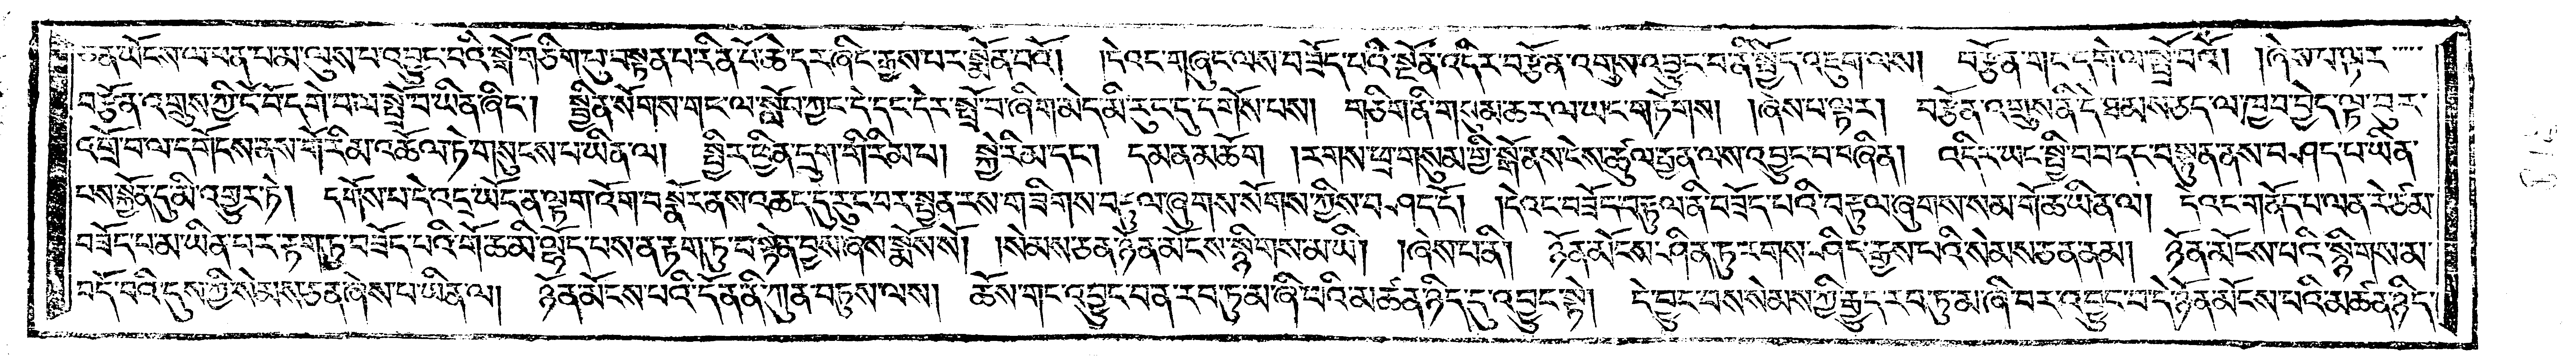ཅན་ཡོངས་ལ་ཕན་པ་མ་ལུས་པ་འབྱུང་བའི་སྐོ་གཅིག་པུ་བསྟན་པ་རིན་པོ་ཆེ་དར་ཞིང་རྒྱས་པར་སྨོན་པའོ། །དེའང་གཞུང་ལས་བཟོད་པའི་སྔོན་འདིར་བརྩོན་འགྲུས་འབྱུང་བ་ནི་སྤྱོད་འཇུག་ལས། བརྩོན་གང་དགེ་ལ་སྤྲོ་བོའོ། །ཞེས་པ་ལྟར་
བརྩོན་འགྲུས་ཀྱི་ངོ་བོ་དགེ་བ་ལ་སྤྲོ་བ་ཡིན་ཞིང་། སྦྱིན་སོགས་གང་ལ་སློབ་ཀྱང་དེ་དང་དེར་སྤྲོང་ཞིག་མེད་མི་རུང་དུ་དགོས་པས། གཅིག་ནི་གསུམ་ཆར་ལ་ཡང་གཏོགས། །ཞེས་པ་ལྟར། བརྩོན་འགྲུས་ནི་དེ་ཐམས་ཅད་ལ་ཁྱབ་བྱེད་ལྟ་བུར་
འགྲྭོ་བ་ལ་དགོངས་ནས་གོ་རིམ་འཆལ་ཏེ་གསུགནས་པ་ཡིན་ལ། སྤྱིར་ཕྱིར་དྲུག་གི་རིམ་པ། སྐྱེ་རིམ་དང་། དམན་མཆོག །རགས་ཕྲ་གསུམ་གྱི་སྒོ་ནས་ངེས་ཚུལ་རྒྱན་ལས་འབྱུང་བ་བཞིན། འདིར་ཡང་སྤྱི་བ་བ་དང་བསྟུན་ནས་བཤད་པ་ཡིན་
པས་སྐྱོན་དུ་མི་འགྱུར་ཏེ། དགོས་པ་དེ་འདྲ་ཡོང་ན་ལྟག་འོག་བསྣོར་ནས་འཆད་དུ་རུང་བར་སྤྱན་རས་གཟིགས་བརྟུལ་ཞུགས་སོགས་ཀྱིས་བཤད་དོ། །དེའང་བཟོད་བརྟུལ་ནི་བཟོད་པའི་བརྟུལ་ཞུགས་སམ་གོ་ཆ་ཡིན་ལ། དེའང་གནོད་པ་ལན་རེ་ཙམ་
བཟོད་པ་མ་ཡིན་པར་རྟག་ཏུ་བཟོད་པའི་གོ་ཆ་མི་ལྷོད་པས་ན་རྟག་ཏུ་བསྟེན་བྱས་ཞེས་སྨོས་སོ། །སེམས་ཅན་ཉོན་མོངས་སྙིགས་མ་ཡི། །ཞེས་པ་ནི། ཉོན་མོངས་ཤིན་ཏུ་རགས་ཤིང་རྒྱས་པའི་སེམས་ཅན་ན། ཉོན་མོངས་པའི་སྙིགས་མ་
བདོ་བའི་དུས་ཀྱི་སེམས་ཅན་ཞེས་པ་ཡིན་ལ། ཉོན་མོངས་པའི་དོན་ནི་ཀུན་བཏུས་ལས། ཆོས་གང་འབྱུང་བ་ན་རབ་ཏུ་མ་ཞི་བའི་མཚན་ཉིད་དུ་འབྱུང་སྟེ། དེ་བྱུང་བས་སེམས་ཀྱི་རྒྱུད་རབ་ཏུ་མ་ཞི་བར་འབྱུང་བ་དེ་ཉོན་མོངས་པའི་མཚན་ཉིད་